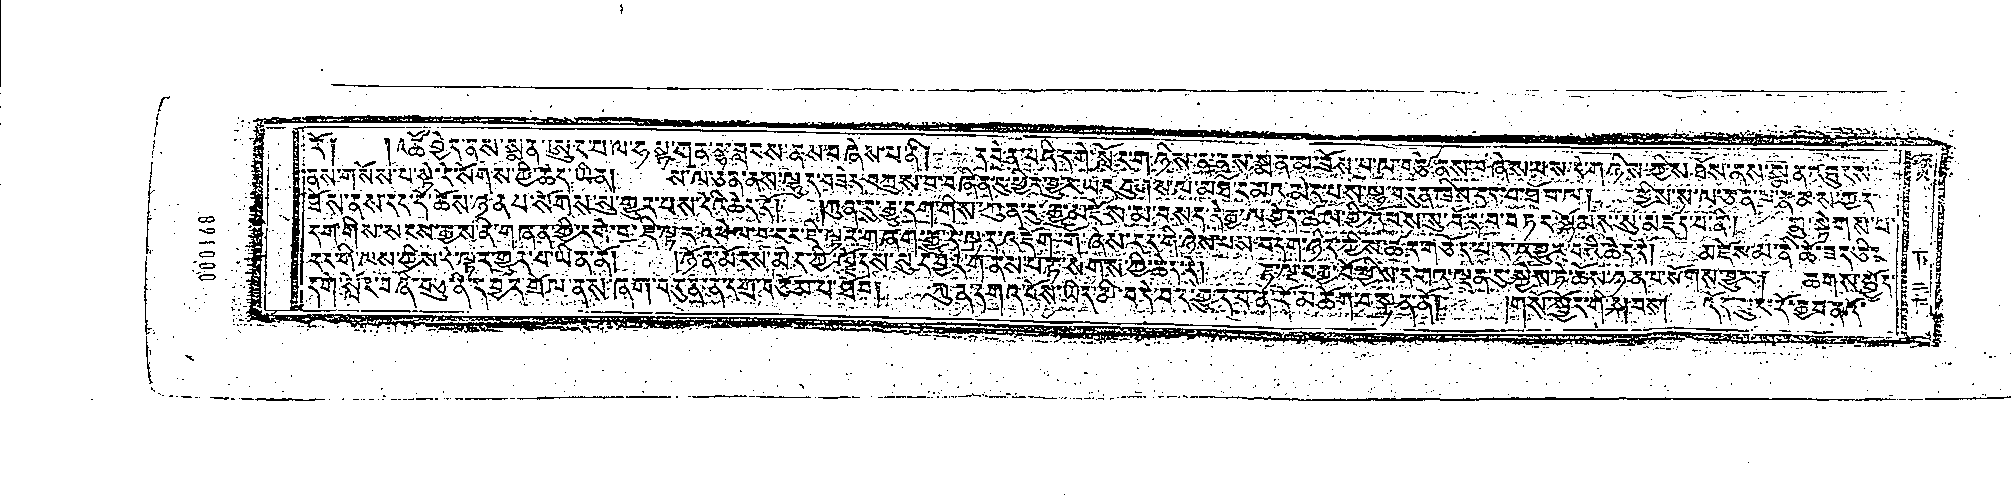རོ༑ །འཚོ་བྱེད་ནས་སྨན་ཨུད་པ་ལ་ཧསྟ་གན་དྷ་བླངས་ནས་བཞེས་པ་ནི། དབེན་པའི་དགེ་སློང་གཉིས་ན་ནས་སྨན་མ་བྲོས་པ་ལ་བརྩེ་ནས་བཞེས་པས་དེ་གཉིས་ཀྱིས་ཐོས་ནས་སྨན་འཐུངས་
ནས་གསོས་པ་སྟེ་དེ་སོགས་ཀྱི་ཆེད་ཡིན། ས་ལ་ཅན་ནས་ལྟུང་བཟེད་བཀྲུས་བ་བཞིན་དུ་ཕྱིར་བྱུང་ཡང་ཐུགས་ལ་མཐོ་དམའ་མེད་པས་ལྷ་བདུན་ཁྲིས་དད་པ་ཐོབ་ལ། ཕྱིས་ས་ལ་ཅན་པ་རྣམས་ཀྱང་
ཐོས་ནས་དང་དེ་ཆོས་ཉན་པ་སོགས་སུ་གྱུར་བས་དེའི་ཆེད་དོ། །ཀུན་དུ་རྒྱུ་དག་གིས་ཀུན་དུ་རྒྱུ་མཛེས་མ་བསད་དེ་རྒྱལ་བྱེད་ཚལ་གྱི་འོབས་སུ་བོར་བ་བཏང་སྙོམས་སུ་མཛད་པ་ནི། མུ་སྟེགས་པ་
དག་གིས་སངས་རྒྱས་ནི་གཞན་གྱི་དགེ་བ་ཇི་ལྟར་འཕེལ་བ་དང་ཇི་ལྟར་གཞག་རྒྱུ་དེ་ལྟར་འཇོག་གོ་ཞེས་རང་གི་ཉེས་པས་བདག་ཉིད་ཀྱིས་ཚད་གཅོད་པར་འགྱུར་བའི་ཆེད་དེ། མཛེས་མ་ནི་ཚེ་ཟད་ཅིང་
རང་གི་ལས་ཀྱིས་དེ་ལྟར་གྱུར་པ་ཡིན་ནོ། །ཉོན་མོངས་མེད་ཀྱི་ལྗོངས་སུ་དབྱར་གནས་པ་རྟ་སོགས་ཀྱི་ཆེད་དེ། རྟ་ལྔ་བརྒྱ་པོ་ཕྱིས་དགའ་ལྡན་དུ་སྐྱེས་ཏེ་ཆོས་ཉན་པ་སོགས་བྱུང་། ཆགས་སྤྱོད་
དགེ་སློང་བཞི་བཅུ་ནི་དབྱད་གྲོལ་ནས་ཞག་བདུན་ན་དགྲ་བཅོམ་པ་ཐོབ། ཀུན་དགའ་བོས་ཡིད་མི་བདེ་བར་གྱུར་པ་ན་རོ་མཆོག་བསྟན་ནོ། །གསོ་སྦྱོང་གི་སྐབས། འོད་སྲུང་རོ་རྒྱབ་ནའོ་